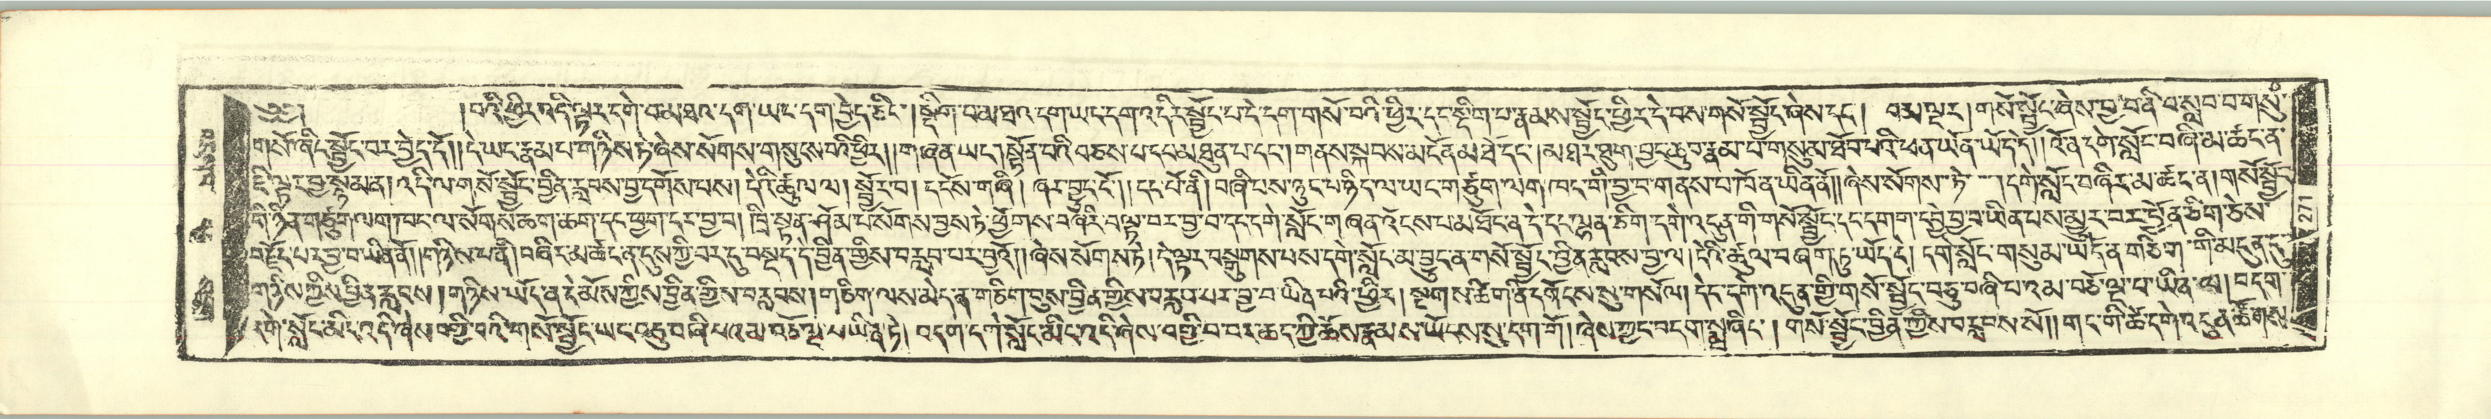༄༅། །བའི་ཕྱིར་འདི་ལྟར་དགེ་བ་མཐའ་དག་ཡང་དག་བྱེད་ཅིང་། སྡིག་པ་མཐའ་དག་ཡང་དག་འདིར་སྦྱོང་པ་དེ་དག་གསོ་བའི་ཕྱིར་དང་སྡིག་པ་རྣམས་སྦྱོང་ཕྱིར་དེ་བས་གསོ་སྦྱོང་ཞེས་དང་། བམ་ལྔར། གསོ་སྦྱོང་ཞེས་བྱ་བ་ནི་བསླབ་བ་གསུམ་
གསོ་ཞིང་སྦྱོང་བར་བྱེད་དོ། །དེ་ཡང་རྣམ་པ་གཉིས་ཏེ་ཞེས་སོགས་གསུངས་བའི་ཕྱིར། །གཞན་ཡང་། སྟོན་པའི་བཅས་པ་དང་མཐུན་པ་དང་། གནས་སྐབས་མངོན་མཐོ་དང་། མཐར་ཐུག་བྱང་ཆུབ་རྣམ་པ་གསུམ་ཐོབ་པའི་ཕན་ཡོན་ཡོད་དེ། །འོ་ན་དགེ་སློང་བཞི་མ་ཚང་ན་
ཇི་ལྟར་བྱ་སྙམ་ན། འདི་ལ་གསོ་སྦྱོང་བྱིན་རླབས་བྱ་དགོས་པས། དེའི་ཚུལ་ལ། སྦྱོར་བ། དངོས་གཞི། ཞར་བྱུང་ངོ། །དང་པོ་ནི། བཞི་པས་ཉུང་པ་ཉིད་ལ་ཡང་གཙུག་ལག་ཁང་གི་བྱ་བ་གནས་པ་ཁོ་ན་ཡིན་ནོ། །ཞེས་སོགས་ཏེ། དགེ་སློང་བཞིར་མ་ཚང་ན། གསོ་སྦྱོང་
གི་ཉིན་གཙུག་ལག་ཁང་ལ་སོགས་ཆག་ཆག་དང་ཕྱག་དར་བྱ་བ། ཁྲི་སྟན་ཤོམ་པ་སོགས་བྱས་ཏེ་ཕྱོགས་བཞིར་བལྟ་བར་བྱ་བ་དང་དགེ་སློང་གཞན་འོངས་པ་མཐོང་ན་དེ་དང་ལྷན་ཅིག་དགེ་འདུན་གྱི་གསོ་སྦྱོང་དང་དགག་དབྱེ་བྱ་བ་ཡིན་པས་མྱུར་བར་བྱོན་ཅིག་ཅེས་
བརྗོད་པར་བྱ་བ་ཡིན་ནོ། །གཉིས་པ་ནི། བཞིར་མ་ཚང་ན་དུས་ཀྱི་བར་དུ་བསྡད་དེ་བྱིན་གྱིས་བརླབ་པར་བྱའོ། །ཞེས་སོགས་ཏེ། དེ་ལྟར་བསྒུགས་པས་དགེ་སློང་མ་བྱུང་ན་གསོ་སྦྱོང་བྱིན་རླབས་བྱ་ལ། དེའི་ཚུལ་བཞག་ཏུ་ཡོད་དེ། དགེ་སློང་གསུམ་ཡོད་ན་གཅིག་གི་མདུན་དུ་
གཉིས་ཀྱིས་བྱིན་རླབས། གཉིས་ཡོད་ན་དེ་མོས་ཀྱིས་བྱིན་གྱིས་བརླབས། གཅིག་ལས་མེད་ན་གཅིག་བུས་བྱིན་གྱིས་བརླབ་པར་བྱ་བ་ཡིན་པའི་ཕྱིར། སྔགས་ཚིག་ནི་དགོངས་སུ་གསོལ། དེང་དགེ་འདུན་གྱི་གསོ་སྦྱོང་བཅུ་བཞི་པ་འམ་བཅོ་ལྔ་པ་ཡིན་ལ། བདག་
དགེ་སློང་མིང་འདི་ཞེས་བགྱི་བའི་གསོ་སྦྱོང་ཡང་བཅུ་བཞི་པའམ་བཅོ་ལྔ་པ་ཡིན་ཏེ། བདག་དགེ་སློང་མིང་འདི་ཞེས་བགྱི་བ་བར་ཆད་ཀྱི་ཆོས་རྣམས་ཡོངས་སུ་དག་གོ །ཞེས་ཀྱང་བདག་སྨྲ་ཞིང་། གསོ་སྦྱོང་བྱིན་གྱིས་བརླབས་སོ། །གང་གི་ཚེ་དགེ་འདུན་ཚོགས་